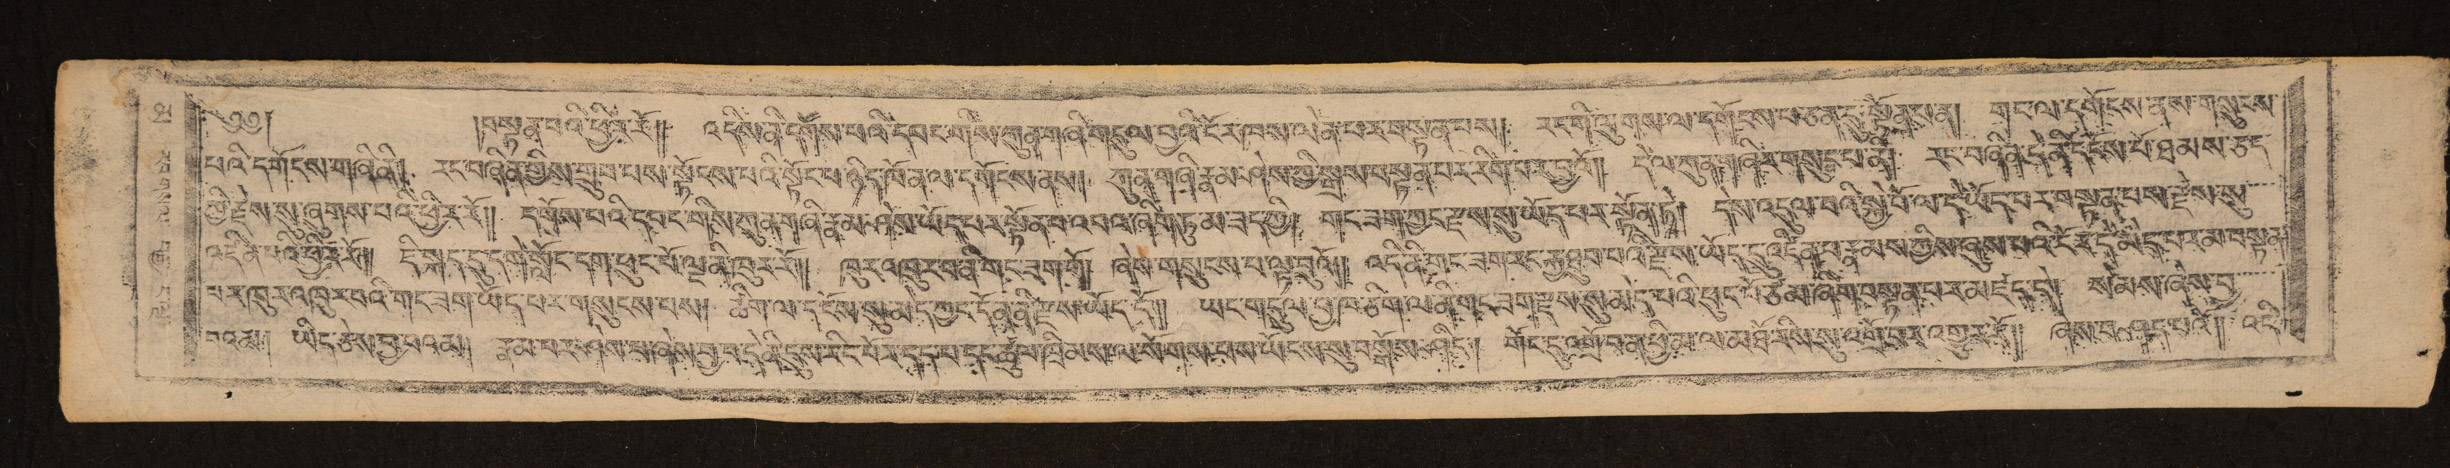༄༅། །བསྟན་པའི་ཕྱིར་རོ།། འདིས་ནི་དགོས་པའི་དབང་གིས་ཀུན་གཞི་གདུལ་བྱའི་ངོར་ཁས་ལེན་པར་བསྟན་པས། རང་གི་ལུགས་ལ་དགོངས་པ་ཅན་དུ་སྟོན་པ་ན། གང་ལ་དགོངས་ནས་གསུངས་
པའི་དགོངས་གཞི་ནི། རང་བཞིན་གྱིས་གྲུབ་པས་སྟོང་པའི་སྟོང་པ་ཉིད་ཁོ་ན་ལ་དགོངས་ནས། ཀུན་གཞི་རྣམ་ཤེས་ཀྱི་སྒྲས་བསྟན་པར་རིག་པར་བྱའོ།། དེ་ལ་ཀུན་གཞིར་གསུང་པ་ནི། རང་བཞིན་དེ་ནི་དངོས་པོ་ཐམས་ཅད་
ཀྱི་རྗེས་སུ་ཞུགས་པའི་ཕྱིར་རོ།། དགོས་པའི་དབང་གིས་ཀུན་གཞི་རྣམ་ཤེས་ཡོད་པར་སྟོན་པ་འབའ་ཞིག་ཏུ་མ་ཟད་ཀྱི། གང་ཟག་ཀྱང་རྫས་སུ་ཡོད་པར་སྟོན་ཏེ། དེས་འདུལ་བའི་སྐྱེ་བོ་ལ་དེ་ཡོད་པར་བསྟན་པས་རྗེས་སུ་
འཛིན་པའི་ཕྱིར་རོ།། ཇི་སྐད་དུ་དགེ་སློང་དག་ཕུང་པོ་ལྔ་ནི་ཁུར་རོ།། ཁུར་འཁུར་བ་ནི་གང་ཟག་གོ། ཞེས་གསུངས་པ་ལྟ་བུའོ།། འདི་ནི་གང་ཟག་རང་རྐྱ་ཐུབ་པའི་རྫས་ཡོད་དུ་འཛིན་པ་རྣམས་ཀྱིས་ཞུས་པའི་ངོར་དེ་མེད་པར་མ་བསྟན་
པར་ཁུར་འཁུར་བའི་གང་ཟག་ཡོད་པར་གསུངས་པས། ཚིག་ལ་དངོས་སུ་མེད་ཀྱང་དོན་ནི་རྫས་ཡོད་དོ།། ཡང་གདུལ་བྱ་ཁ་ཅིག་ལ་ནི་གང་ཟག་རྫས་སུ་མེད་པའི་ཕུང་པོ་ཙམ་ཞིག་བསྟན་པར་མཛད་དེ། སེམས་ཞེས་བྱ་
བའམ། ཡིད་ཅེས་བྱ་བའམ། རྣམ་པར་ཤེས་པ་ཞེས་བྱ་བ་དེ་ནི་དུས་རིང་པོར་དད་པ་དང་ཚུལ་ཁྲིམས་ལ་སོགས་པས་ཡོངས་སུ་བསྒོས་ཤིང་། གོང་དུ་འགྲོ་བ་ན་ཕྱི་མ་ལ་མཐོ་རིས་སུ་འགྲོ་བར་འགྱུར་རོ།། ཞེས་བཤད་པའོ།། འདི་